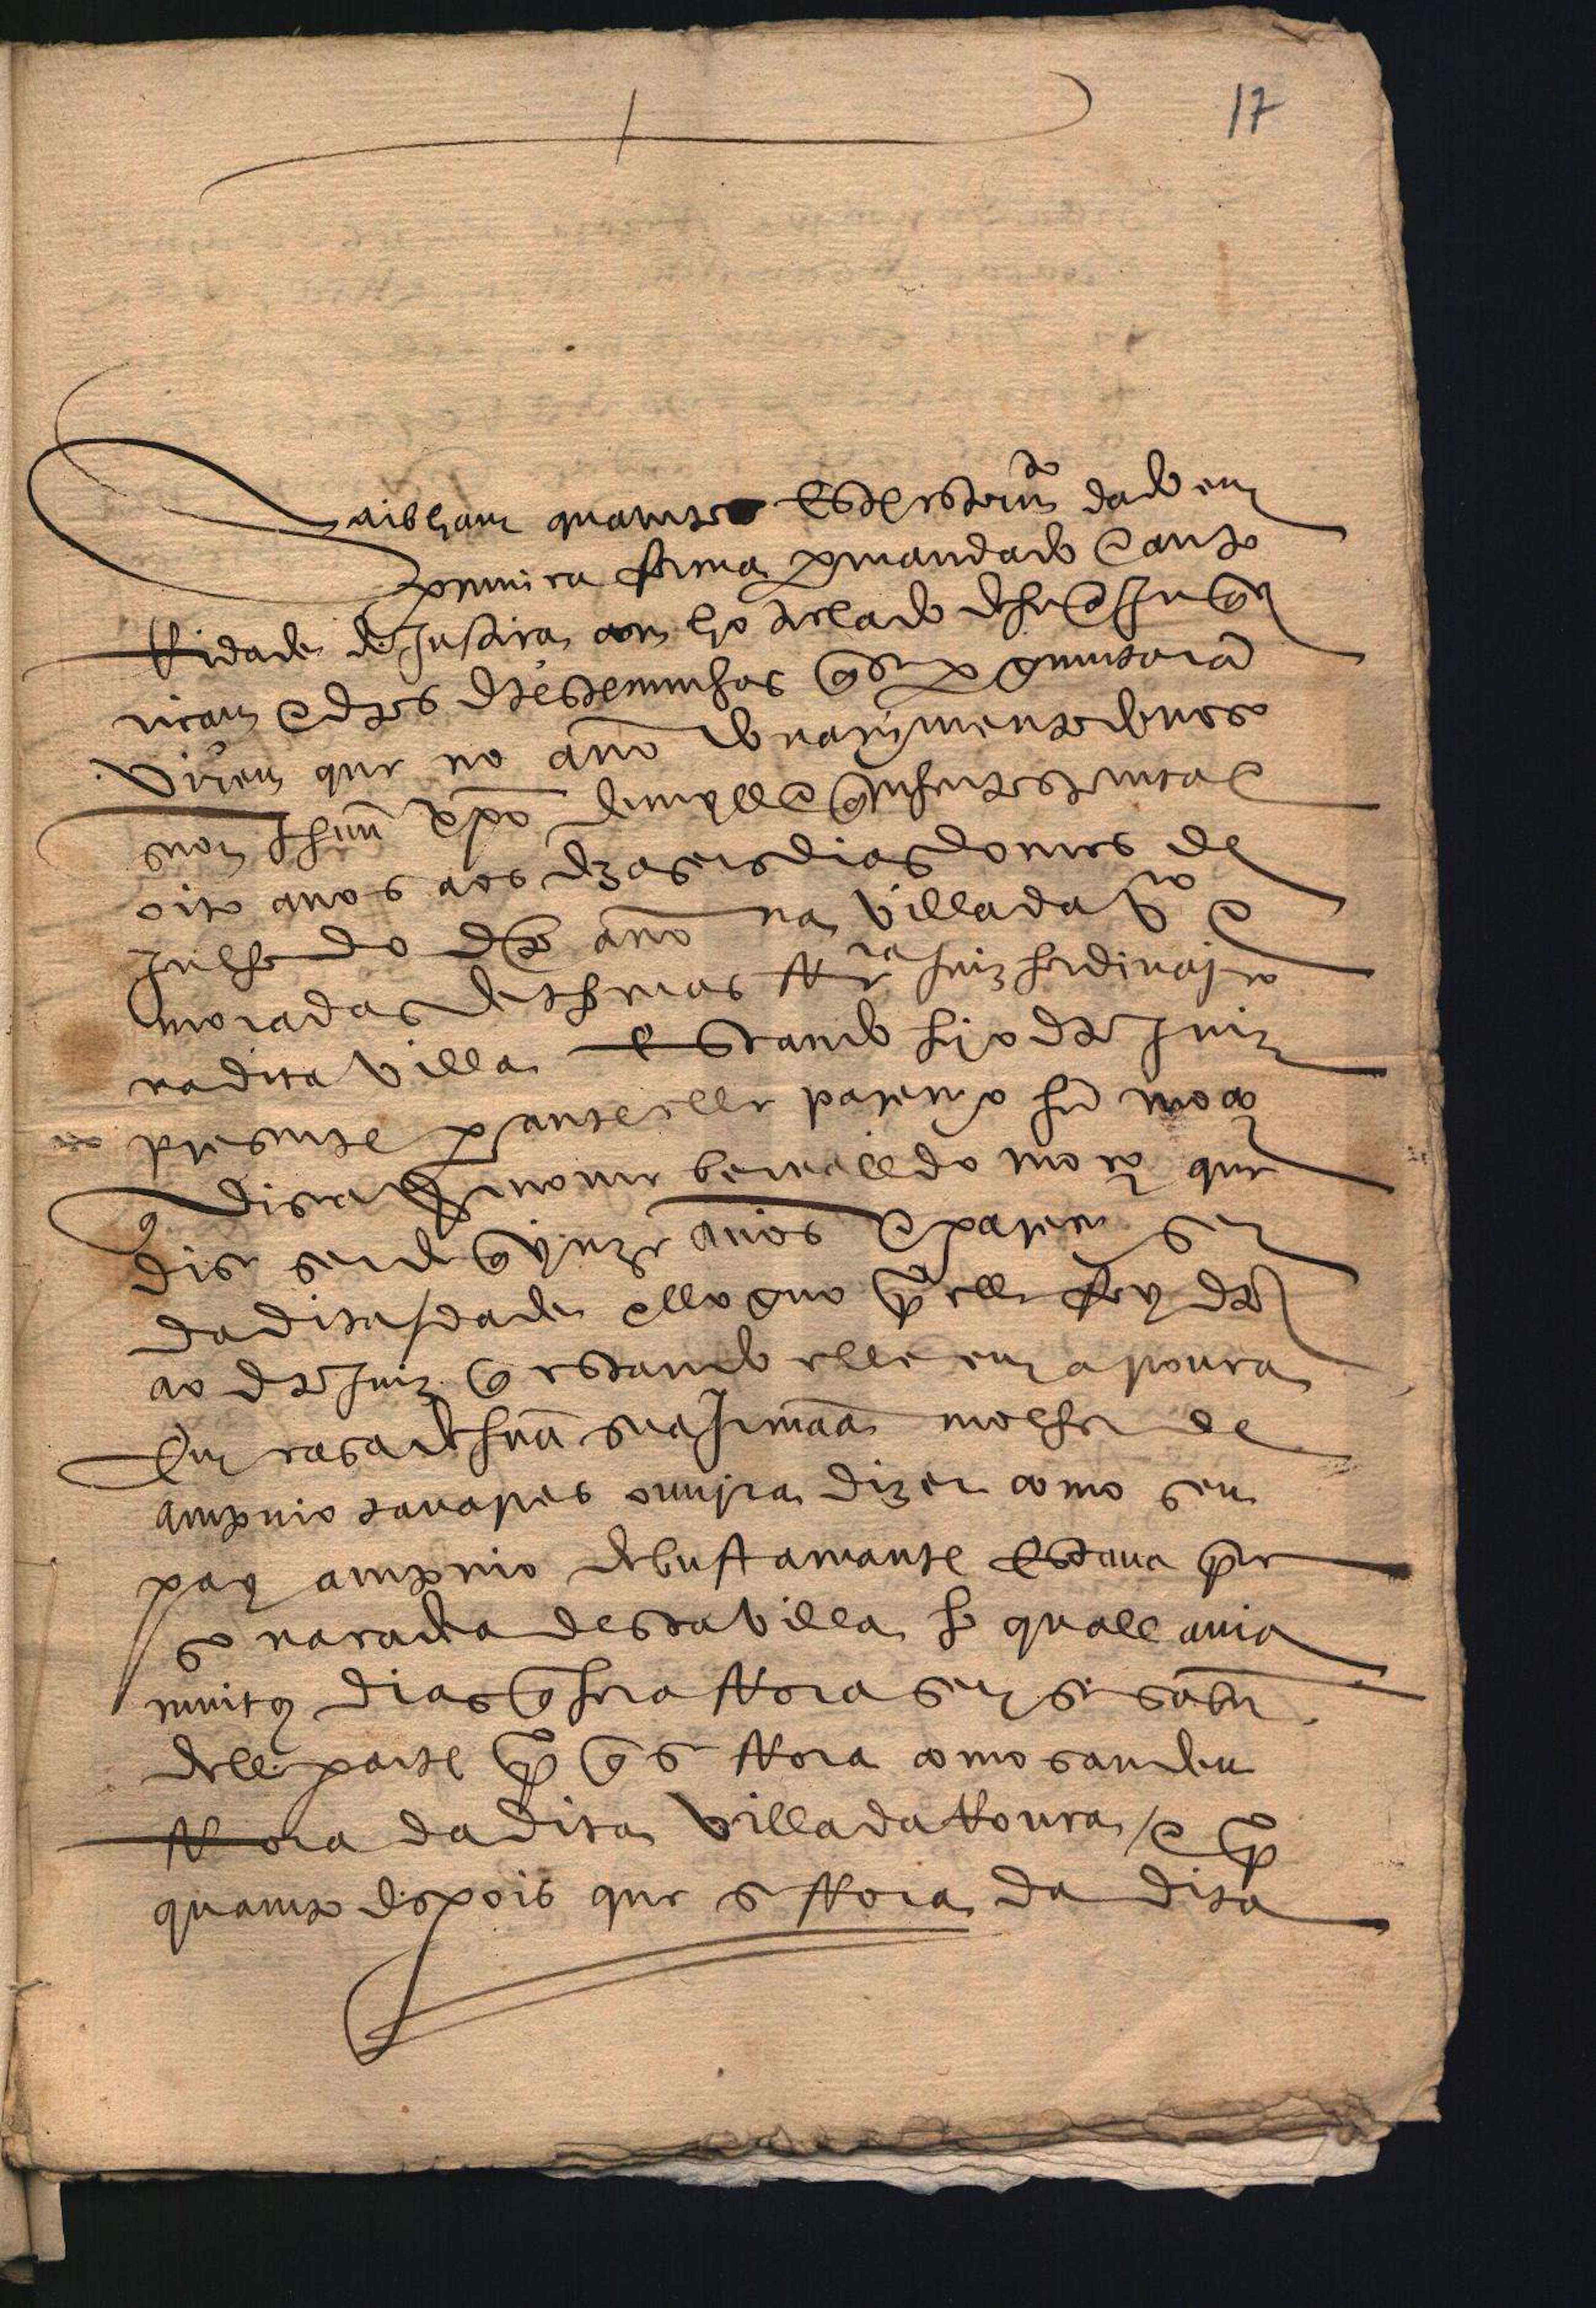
Saibham quanto_ Este estormto dado em
pruuica forma ꝑ mandado e auto
Ridade de Justiça com ho trelado de huā Jnq̄y
riçam e dtos dtestemunhas q̄ se ꝑgumtarā
Virem que no an̄o do naçymento de noso
s̄nor Jhuū xp̄o de myll e q̄jnhentos trinta e
oito anos aos dezaseis dias do mes de
Julho do dt̄o an̄o na villa davro e
moradas de thomas ffrra Juiz hordinajro
na dita villa Estando hy o dto Juiz
presente ꝑante elle pareçeo hū moço
q̄ dise aꝟr nome bernalldo moço que
dise ser de q̄ynze ānos e pareçeo ser
da dita Jdade e lloguo p̄o elle foy dto
ao dto Juiz q̄ estando elle em arouca
Em casa de huā sua Jrmãa molher de
amtonio tauares ouujra dizer como seu
pay amtonio de bustamante Estaua pre
so na cadea desta villa ho quall auia
muitꝯ dias q̄ hera ffora sem se sābr
delle parte p̄oq̄ se ffora como sandeu
ffora da dita villa daRouca / e p̄o
quamto despois que se ffora da dita
